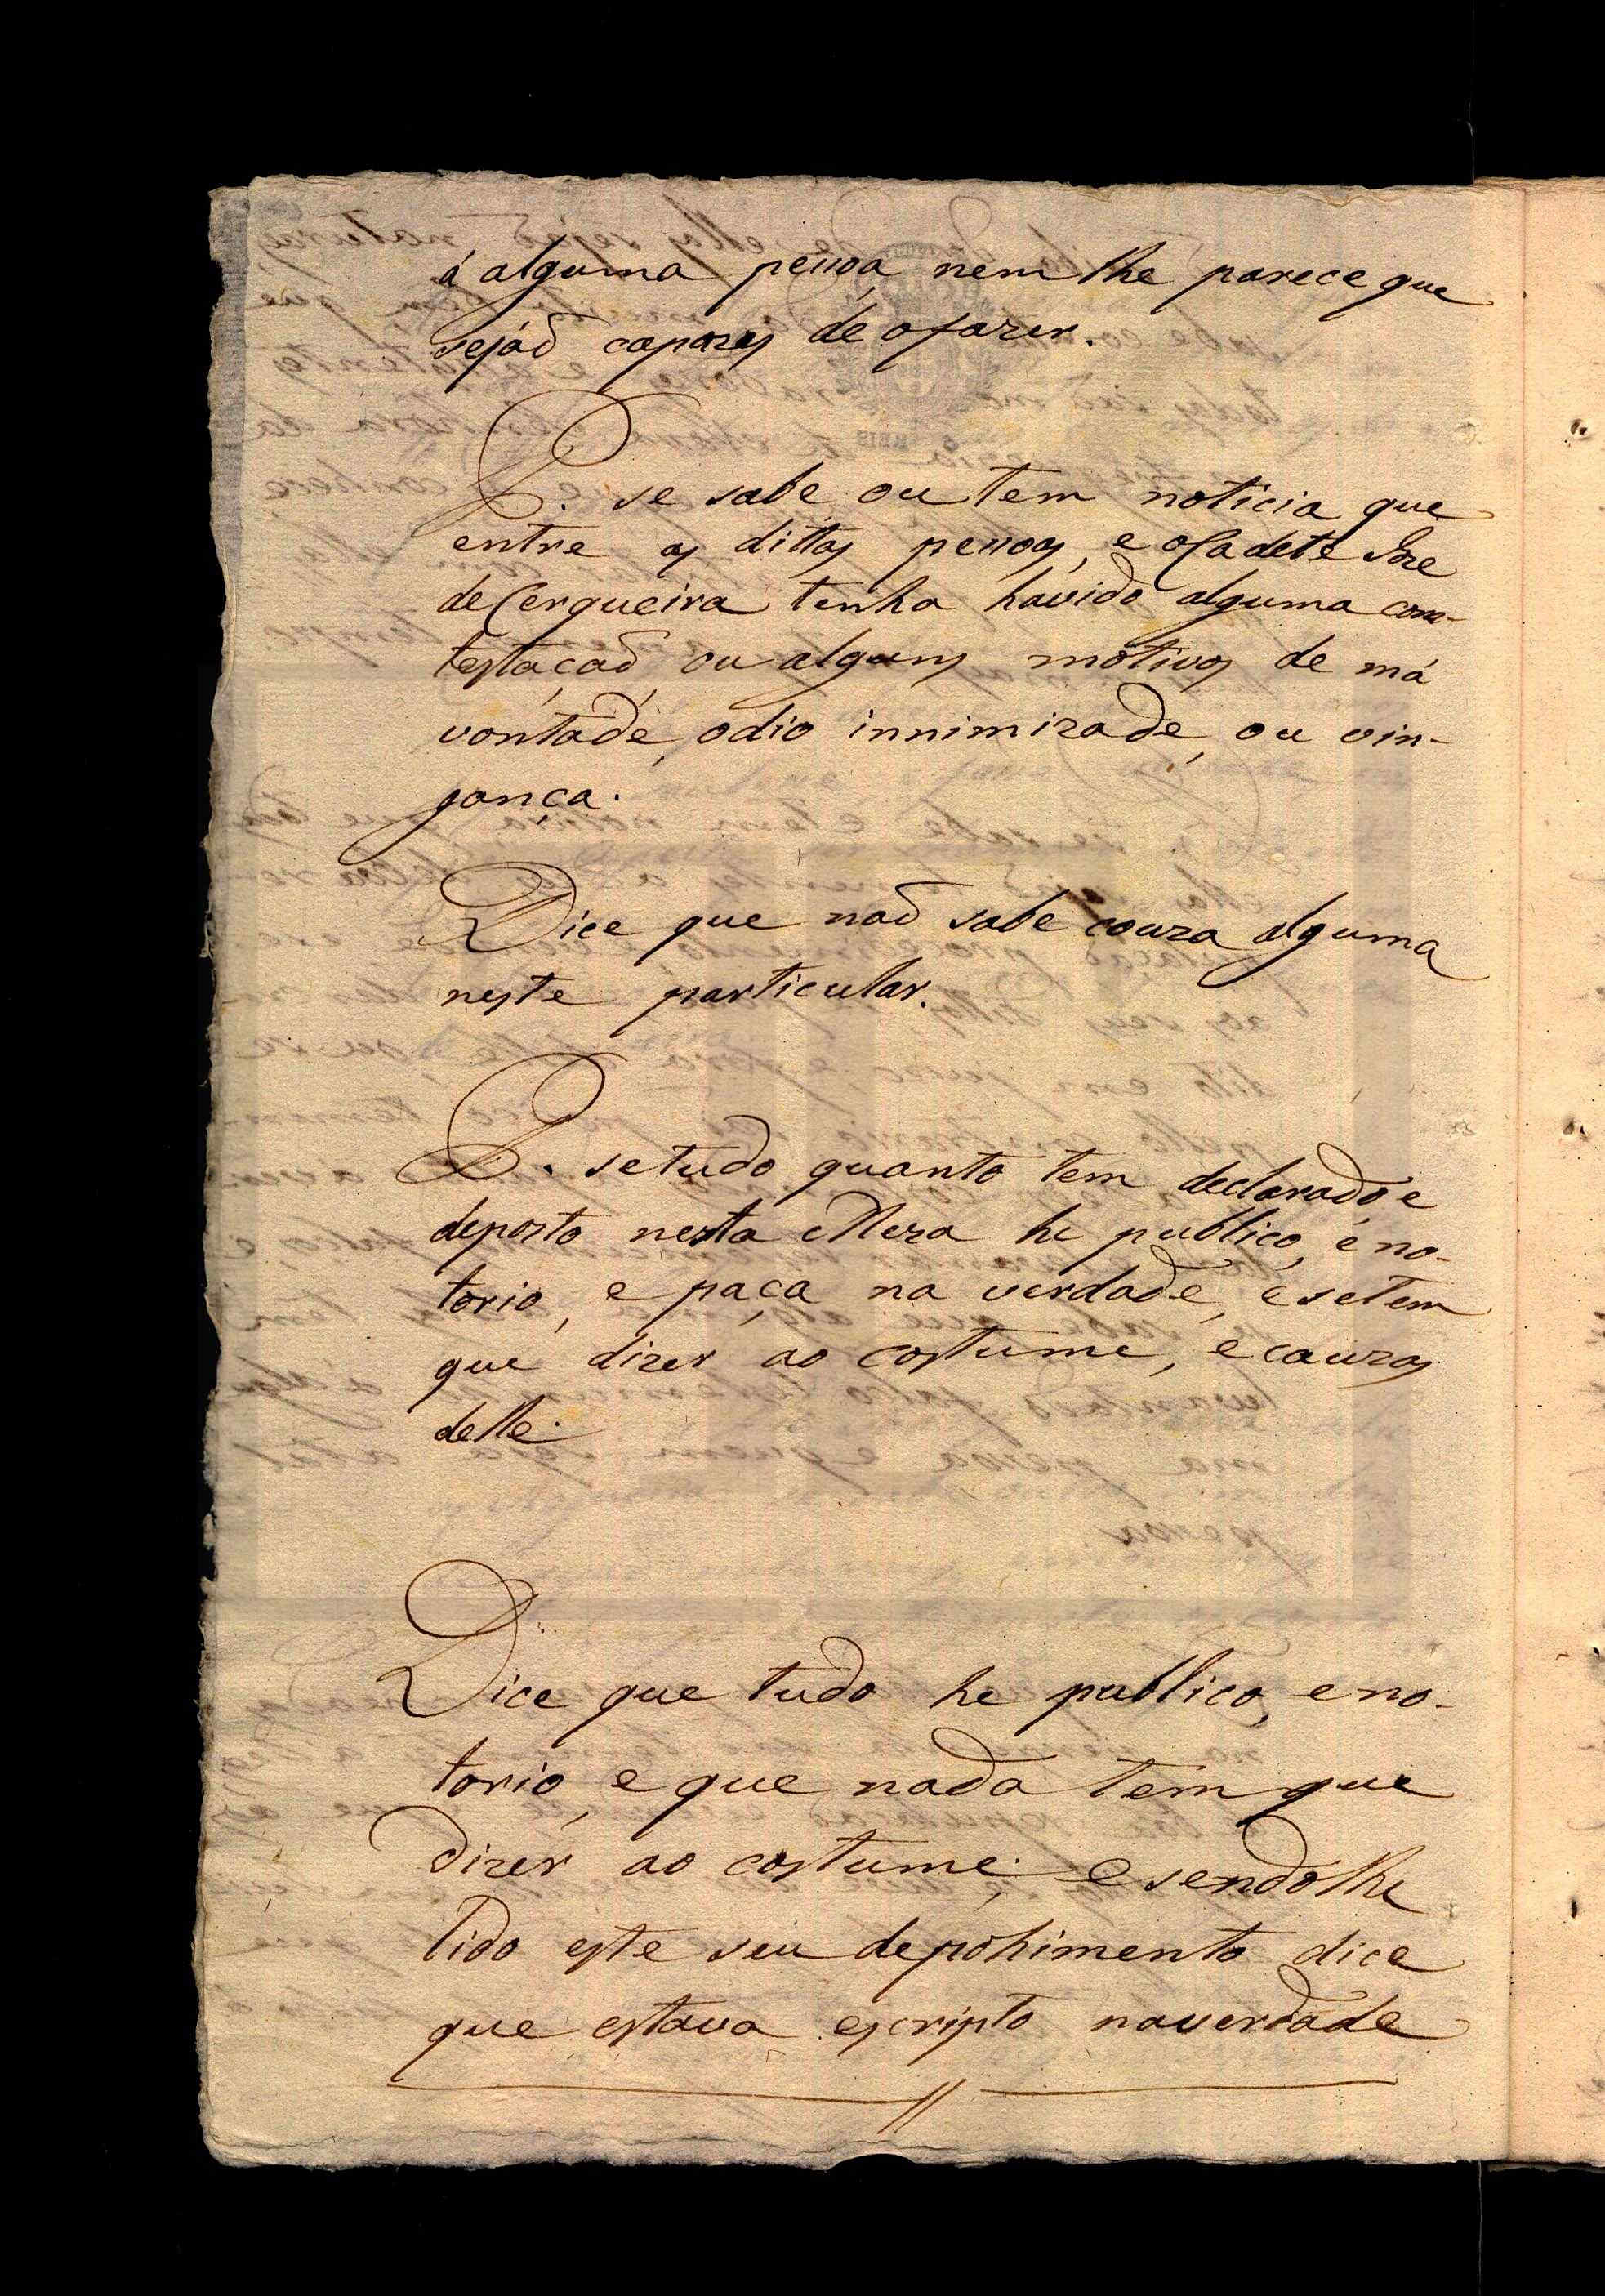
á alguma pessoa nem lhe parece que
sejaõ capazes de o fazer.
P. se sabe ou tem noticia que
entre as dittas pessoas, e o Cadete Ioze
de Cerqueira tenha havido alguma com
testaçaõ ou alguns motivos de má
vontade, odio innimizade ou vin
gança.
Dice que naõ sabe couza alguma
neste particular.
P. se tudo quanto tem declarado, e
deposto nesta Meza he publico, e no
torio, e paça na verdade, e se tem
que dizer ao costume, e cauzas
delle.
Dice que tudo he publico, e no
torio, e que nada tem que
dizer ao costume; e sendolhe
lido este seu depohimento dice
que estava escripto na verdade
